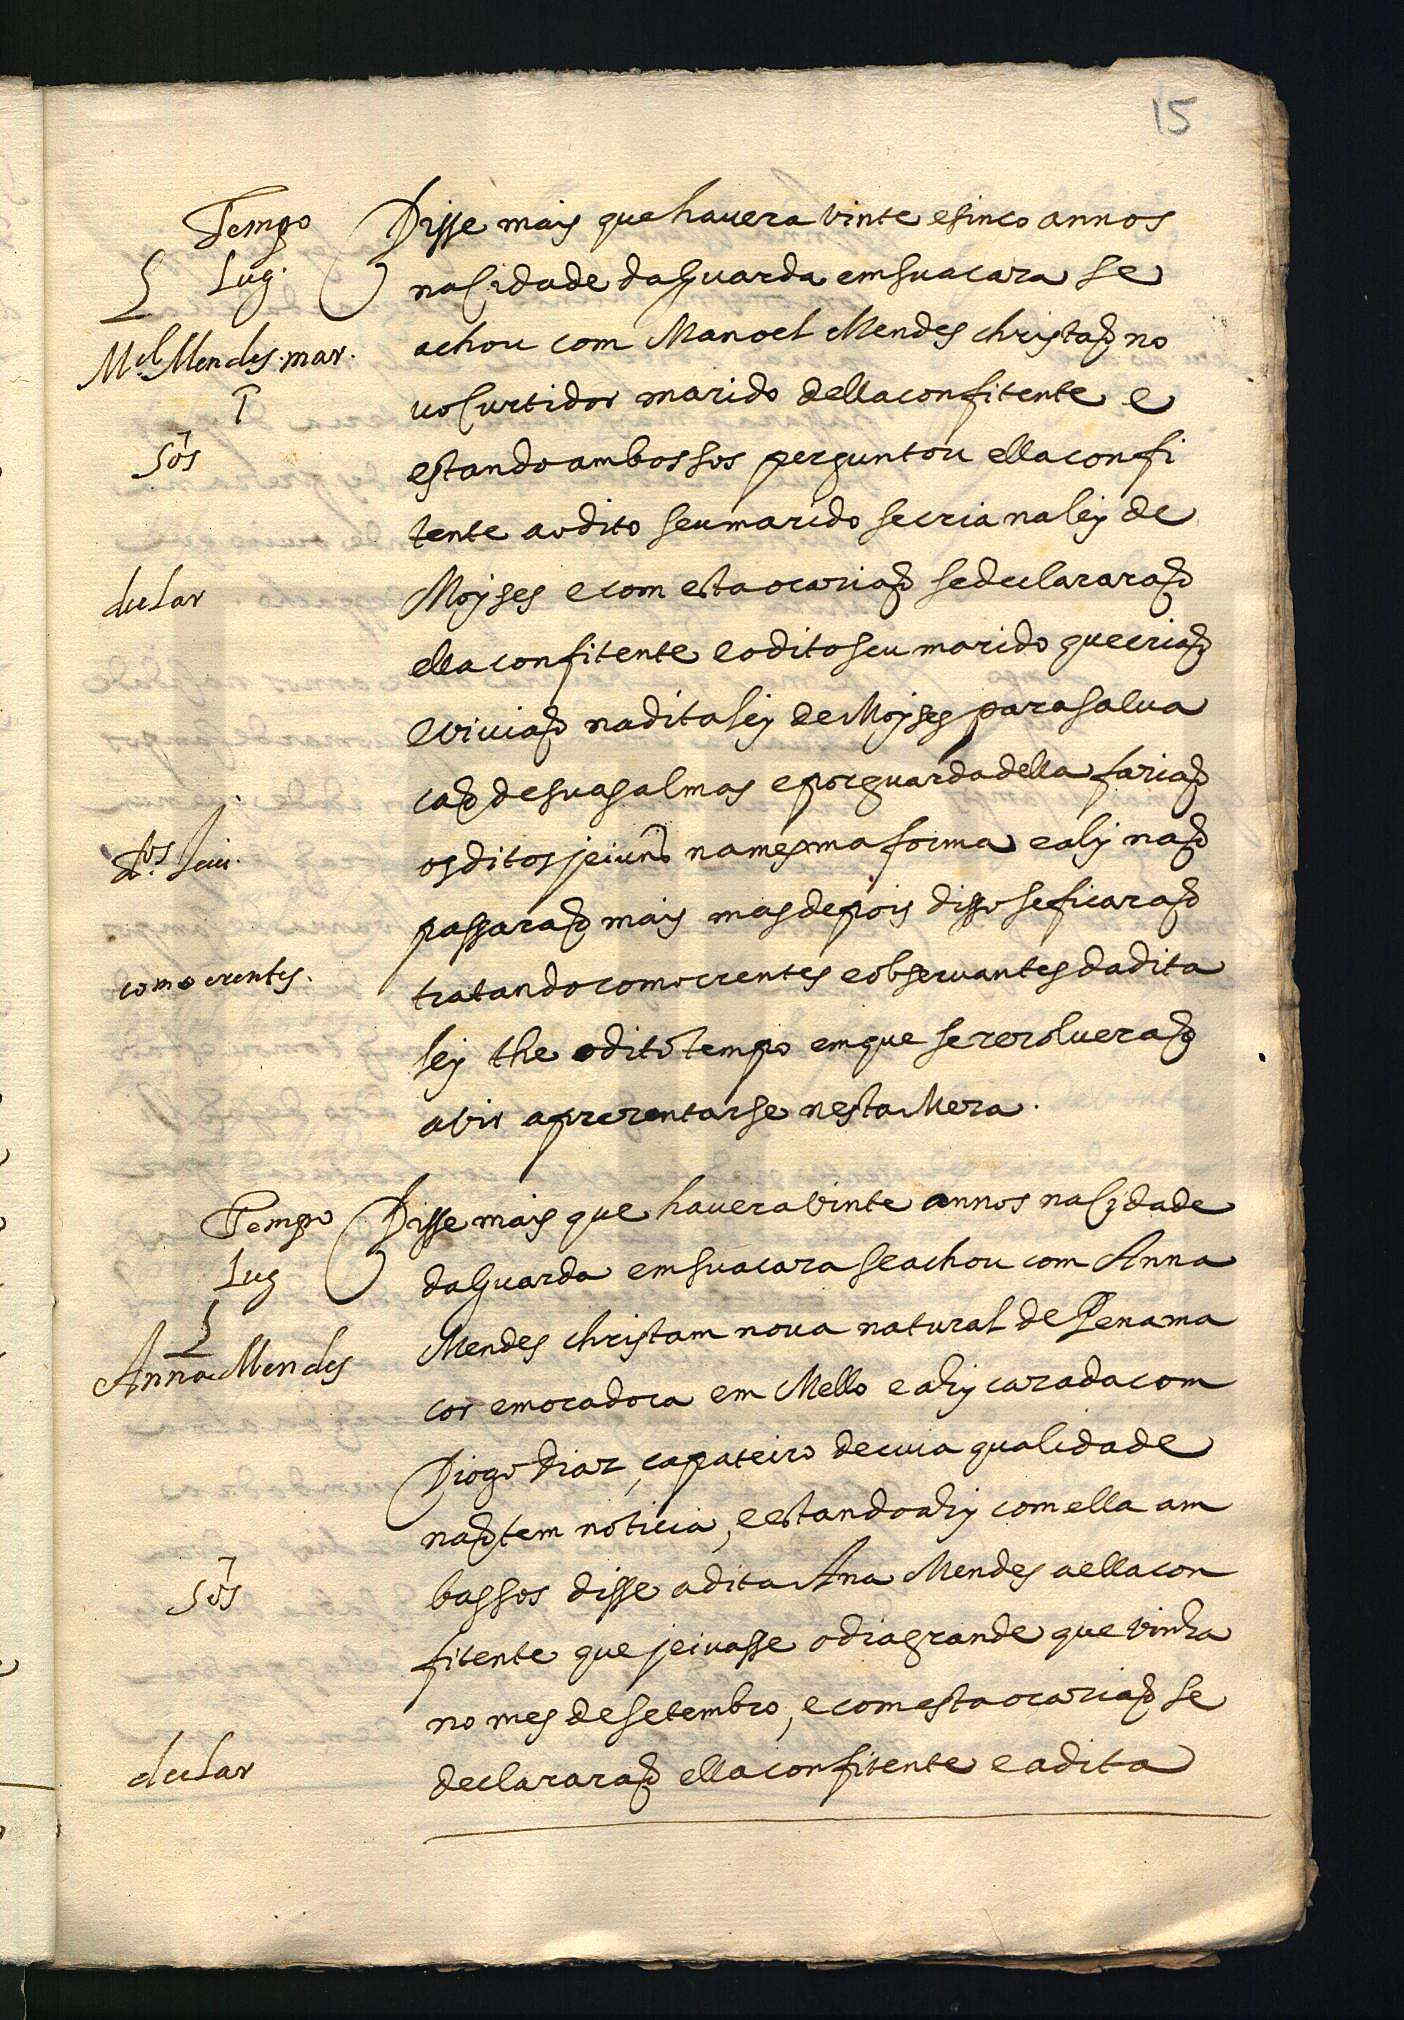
Disse mais que hauera vinte e sinco annos
Tempo
Lug
na Cidade da Guarda em sua caza se
L
achou com Manoel Mendes christaõ no
M.el Mendes mar.
uo Curtidor marido della confitente e
estando ambos sos perguntou ella confi
Sós
tente ao dito seu marido se cria na ley de
Moyses e com esta ocaziaõ se declararaõ
declar
ella confitente e o dito seu marido que criaõ
e viuiaõ na dita ley de Moyses para salua
çaõ de suas almas e por guarda della faziaõ
os ditos jeiuns na mesma forma e aly naõ
d.os Ieiū.
passaraõ mais mas depois disso se ficaraõ
tratando como crentes e obseruantes da dita
como crentes
ley the o dito tempo em que se rezolueraõ
a vir aprezentarse nesta Meza.
Disse mais que hauera vinte annos na Cidade
Tempo
da Guarda em sua caza se achou com Anna
Lug
Mendes christam noua naturaL de Penama
Anna Mendes
cor e moradora em Mello e ahy cazada com
Diogo Diaz çapateiro de cuia qualidade
naõ tem noticia, e estando ahy com ella am
bas sos disse a dita Ana Mendes a ella con
Sós
fitente que jeiuasse o dia grande que vinha
no mes de setembro, e com esta ocaziaõ se
declararaõ ella confitente e a dita
declar
